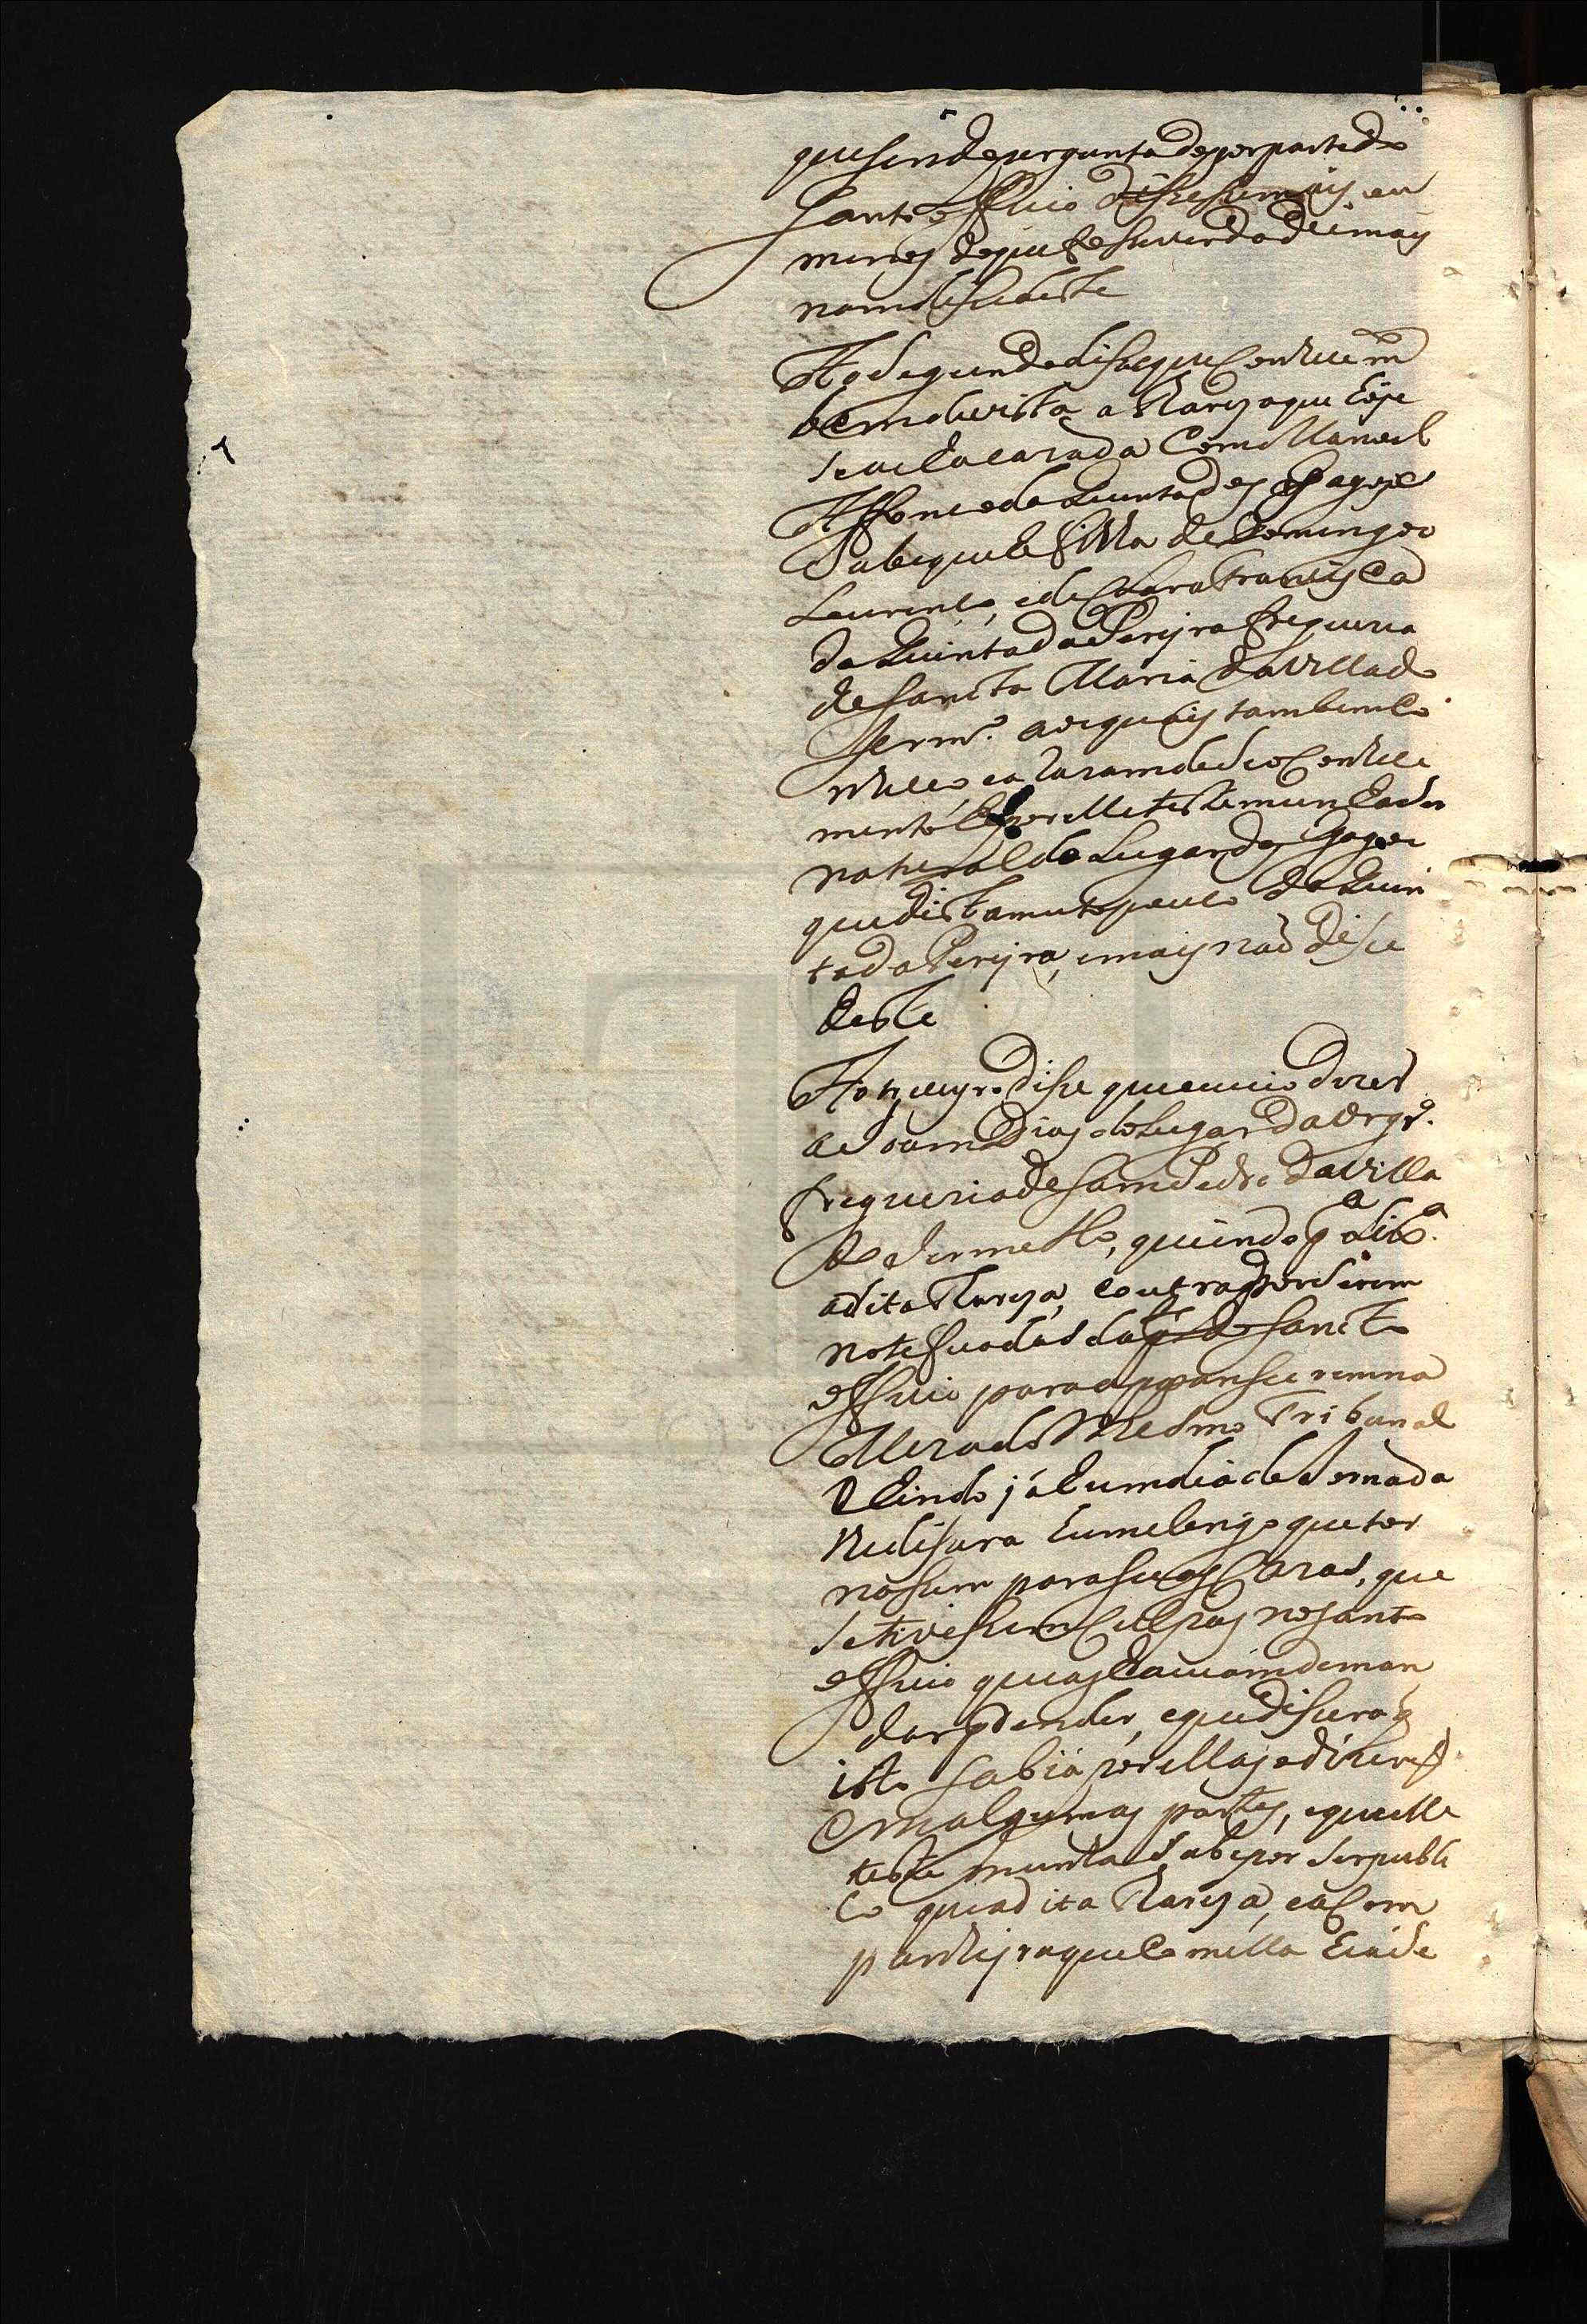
que sendo perguntado por parte do
santo offiçio dissesse mais, ou
menos do que fosse verdade e mais
nam disse deste
Ao segundo disse que Conhece mto
bem de vista a Thareza que hoje
se acha cazada Com Manoel
Affonco de Quinta dos Gagos e
Sabe que he filha de Domingos
Lourenço, e de CLara Francisca
da Quinta da Perejra freguezia
de Sancta Maria da villa do
Jerm.o aos quais tambem co
nheceo, e a Razam de Seo Conheci
mento he por elle testemunha ser
natural do Lugar dos Gagos
que dista muto pouco da Quin
ta da Perejra, e mais naõ disse
deste
Ao treceyro disse que ouuio dizer
a Ioam Dias do lugar da vrgr.o
freguezia de sam Pedro da Villa
do Iermello, que indo pa Lix.a
a dita Thareza, e outra por serem
noteficadas da pte do sancto
officio para apparesserem na
Meza do Mesmo Tribunal
E hindo já hum dia de Iornada
lhe dissera hum clerigo que tor
nassem para suas Cazas, que
se tivessem Culpas no santo
officio que as hauiam de man
dar prender, e que dissera q̄
isto sabia por ellas o dizeraõ
em algumas partes, e que elle
testemunha sabe por ser publi
co que a dita Thareza, e a Com
panhejra que com ella hia Se
